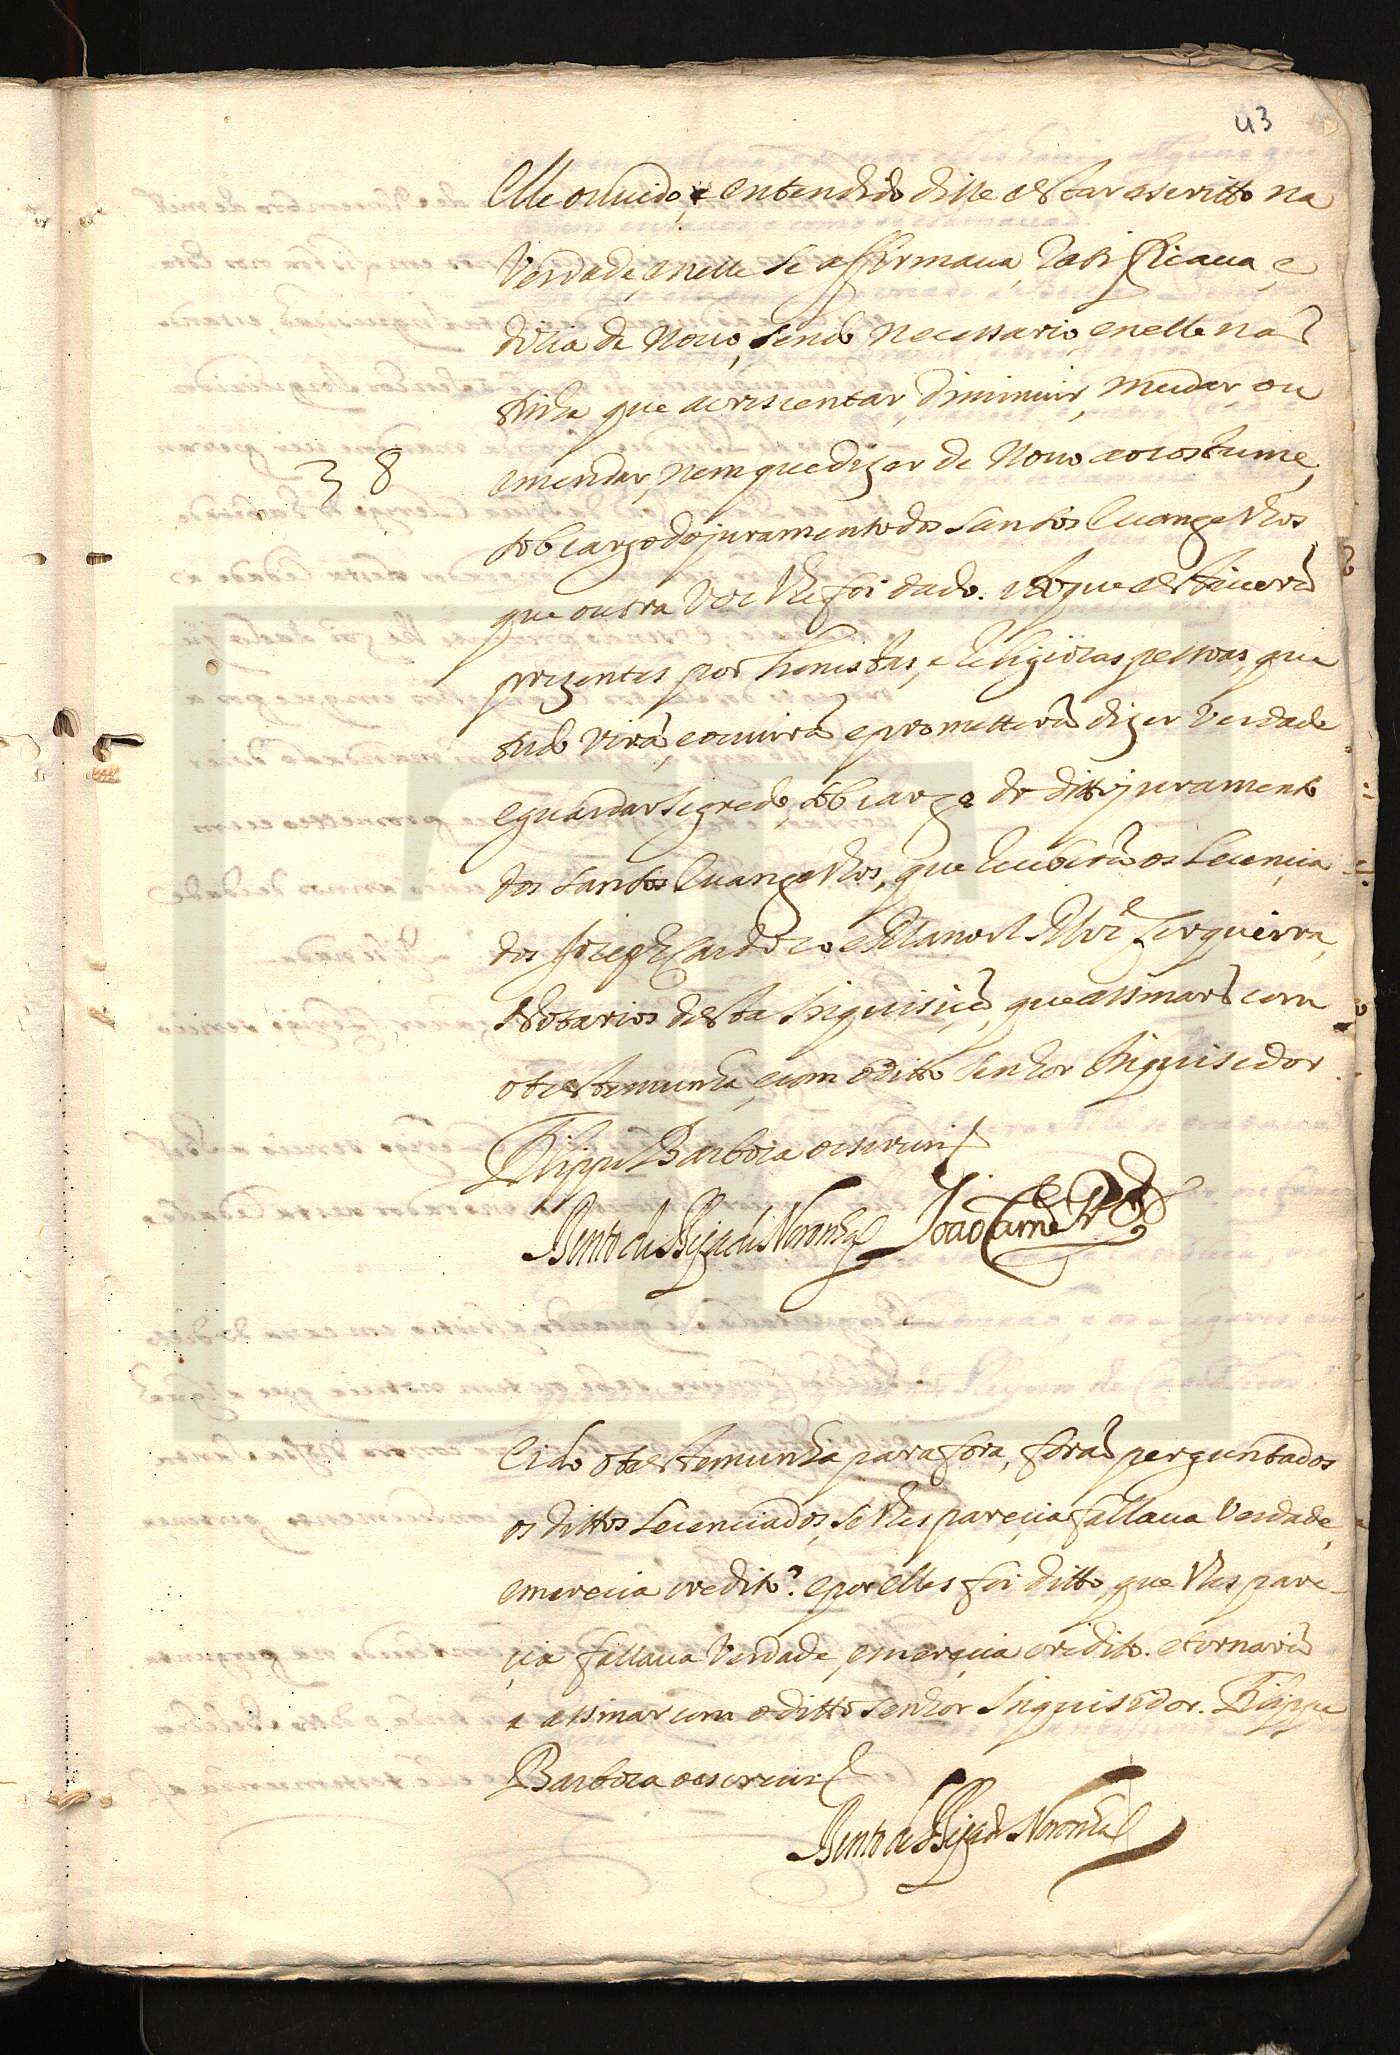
Elle ouuido, e entendido disse estar escritto na
Verdade, e nelle se affirmaua, Ratificaua, e
dizia de nouo, sendo necessario, e nelle naõ
tinha que acrescentar, diminuir, mudar, ou
emendar, nem que dizer de nouo ao costume;
sob cargo do juramento dos santos Euangelhos
que outra vez lhe foi dado. Ao que estiueraõ
prezentes por honestas, e Religiozas pessoas, que
tudo viraõ, e ouuiraõ e prometteraõ dizer verdade
e guardar segredo, sob cargo do ditto juramento
dos Santos Euangelhos, que Receberaõ os Lecençia
dos Jozeph Cardozo e Manoel Miz̄ Cerqueira,
Notarios desta Inquisiçaõ, que assinarã com
o testemunha, e com o ditto Senhor Jnquisidor
Filippe Barboza o escreui
E ido o testemunha para fora, foraõ perguntados
os dittos Lecenciados, se lhes pareçia fallaua verdade,
e merecia credito? E por elles foi ditto, que lhes pare
çia fallaua Verdade, e mereçia credito. e tornaraõ
a assinar com o ditto Senhor Inquisidor. Filippe
Barboza o escreui
